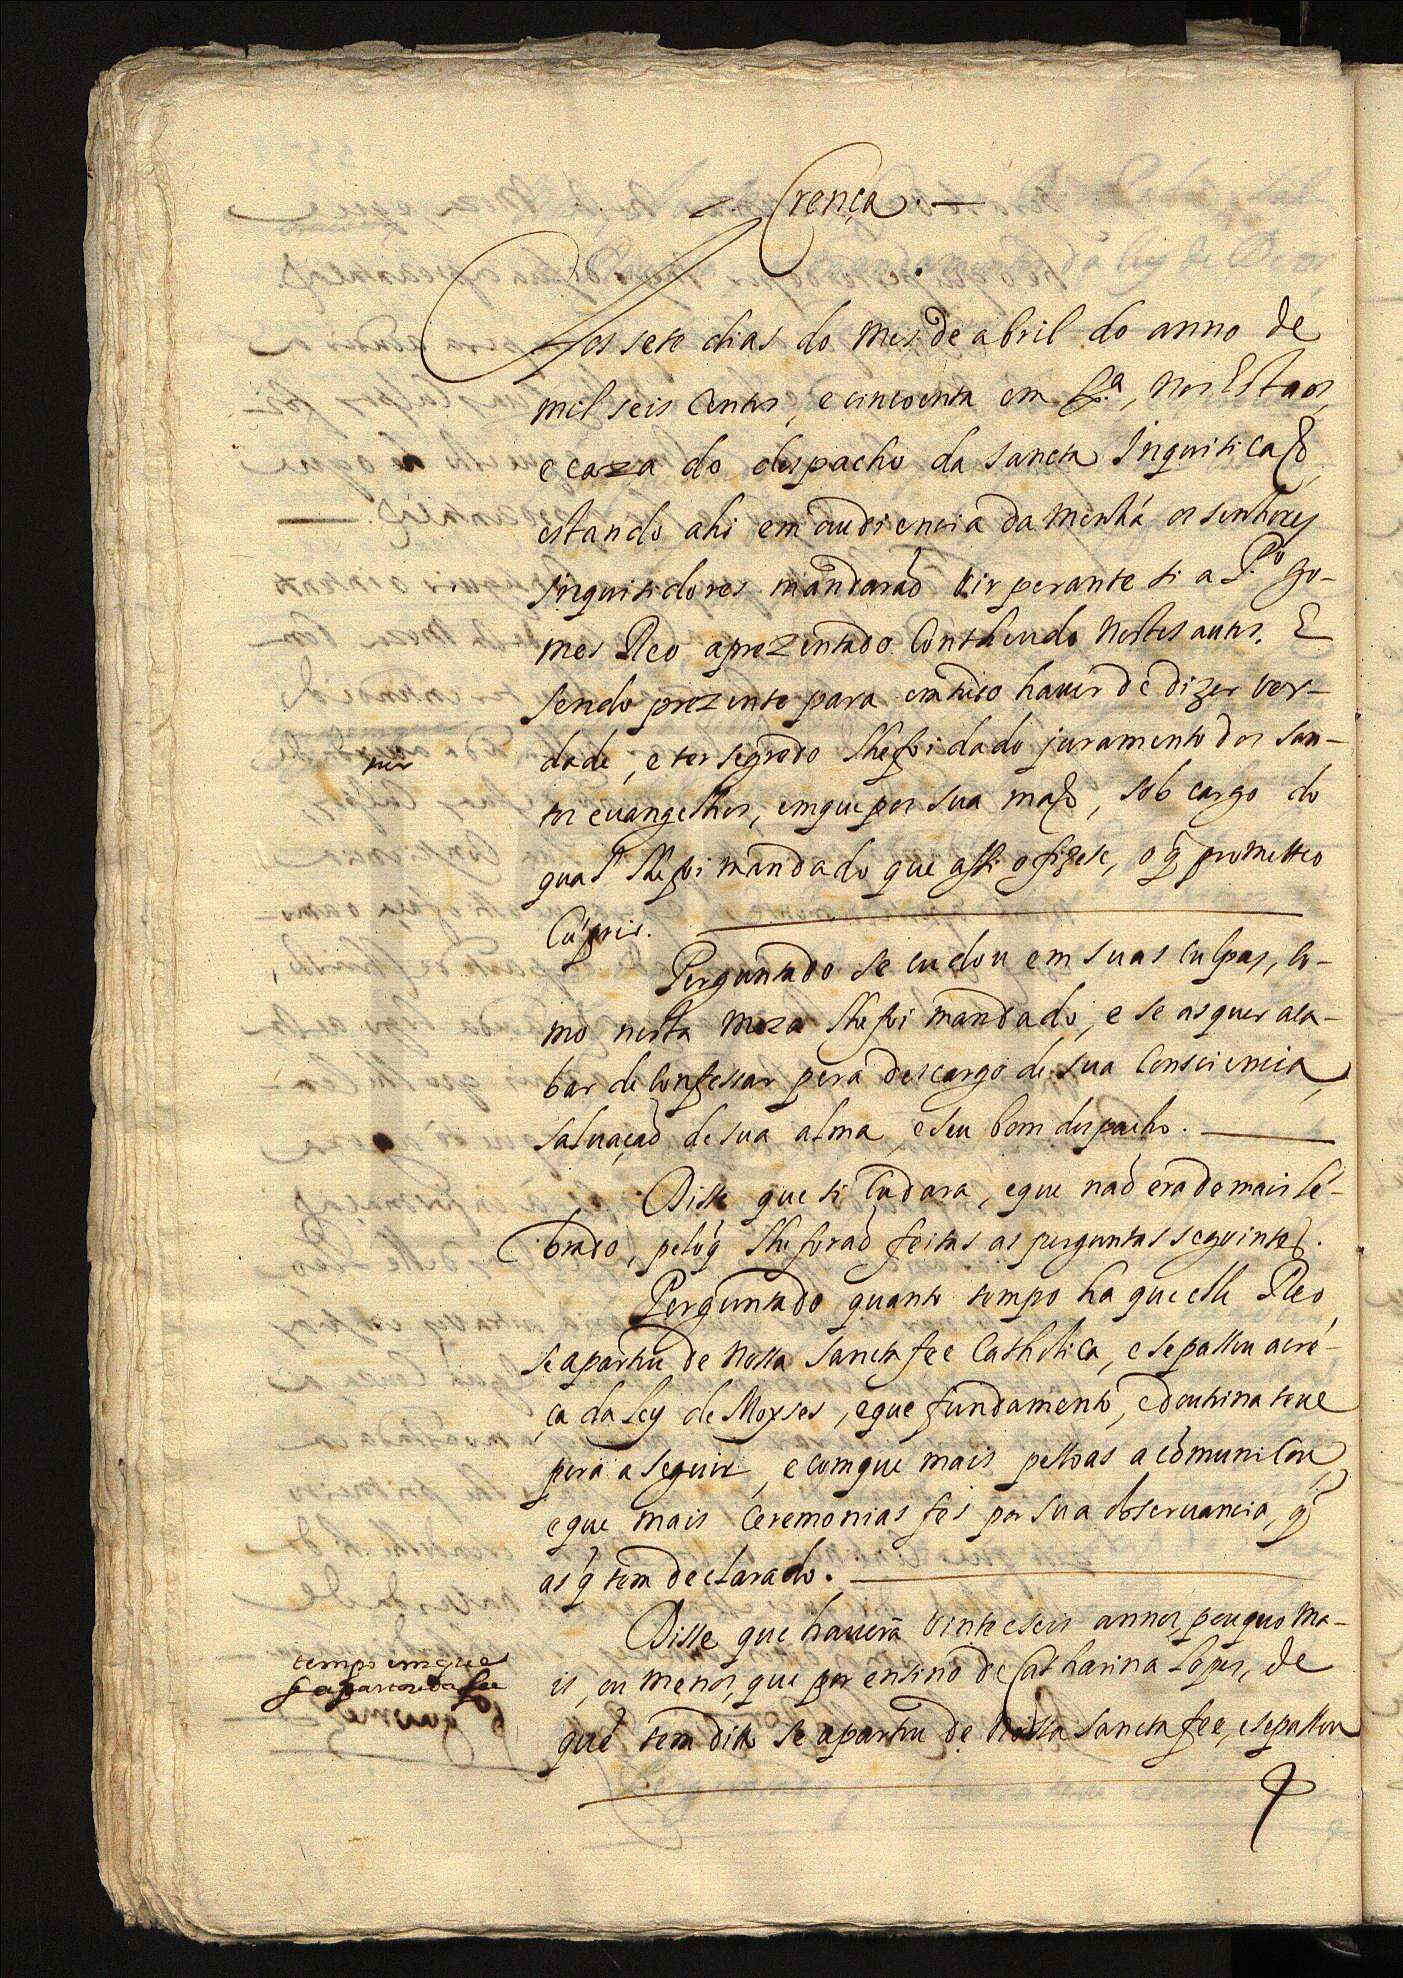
Crença.
Aos sete dias do mes de abril do anno de
mil seiscentos, e cincoenta em Lx.a, nos Estaos,
e caza do despacho da sancta Inquisicaõ,
estando ahi em audiencia da menhã os senhores
inquisidores mandaraõ vir perante si a P.o go
mes Reo aprezentado contheudo nestes autos. E
sendo prezente para em tudo hauer de dizer ver
dade, e ter segredo lhe foi dado juramento dos san
tos euangelhos, em que pos sua maõ, sob cargo do
qual lhe foi mandado que assi o fizese, o q̄ prometteo
cūprir.
Perguntado se cudou em suas culpas, co
mo nesta meza lhe foi mandado, e se as quer aca
bar de confessar pera descargo de sua consciencia,
saluação de sua alma, e seu bom despacho.
Disse que si cudara, e que naõ era do mais lē
brado, pelo q̄ lhe foraõ feitas as perguntas seguintes.
Perguntado quanto tempo ha que elle Reo
se apartou de nossa sancta fee catholica, e se passou a crē
ça da ley de Moyses, e que fundamento, e doutrina teue
pera a seguir, e com que mais pessoas a cōmunicou,
e que mais ceremonias foi por sua obseruancia, q̄
as q̄ tem declarado.
Disse que hauerá vinte e seis annos, pouquo ma
is, ou menos, que por ensino de Catharina lopes, de
quē tem ditto se apartou de nossa sancta fee, e se passou
iur
tempo em que
se apartou da fee
